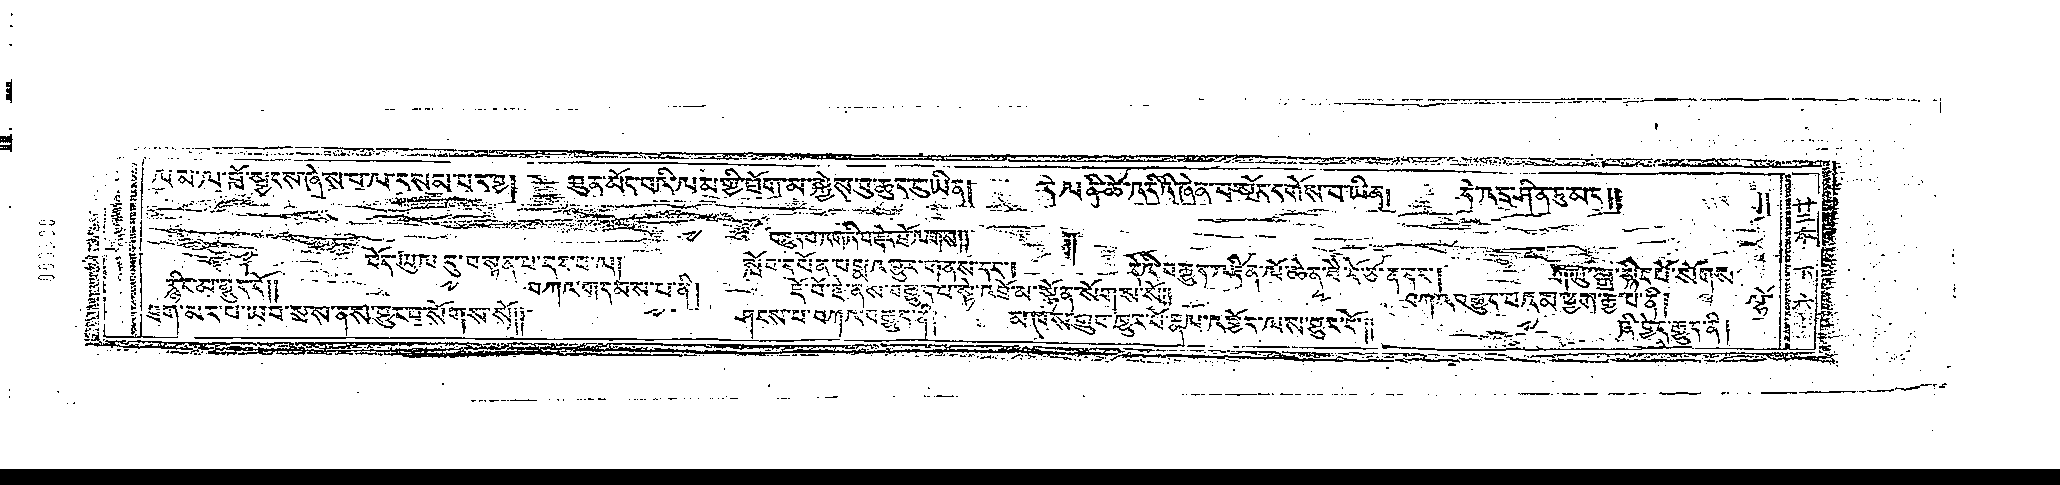ལམ་ལ་བློ་སྦྱངས་ཞེས་པ་ལ་བསམ་པར་བྱ། ཐུན་མོང་པའི་ལམ་གྱི་ཐོག་མ་སྐྱེས་བུ་ཆུད་དུ་ཡིན། དེ་ལ་ནི་ཚེ་འདིའི་ཞེན་པ་སྤོང་དགོས་པ་ཡིན། དེ་འདྲ་ཤིན་ཏུ་མང།། །།
༧་བརྒྱུད་པ་འགའི་བརྗེད་ཐོ་ལགས།། །།
༈ བོད་ཡུལ་དུ་བསྟན་པ་དར་བ་ལ། སློབ་དཔོན་པས་མ་འབྱུང་གནས་དང་། དེའི་བརྒྱུད་འཛིན་ལོ་ཆེན་བཻ་རོ་ཙ་ན་དང་། གཡུ་སྒྲ་སྙིང་པོ་སོགས་
རྙིད་མ་རྒྱུད་དོ།། ༧་བཀའ་གདམས་པ་ནི། ཇོ་བོ་རྗེ་ནས་བརྒྱུད་པ་སྟེ་འབྲོམ་སྟོན་སོགས་སོ།། ༧་བཀའ་བརྒྱུད་པའམ་ཕྱག་རྒྱ་པ་ནི། ལྷོ་
བྲག་མར་པ་ཡབ་སྲས་ནས་བྱུང་བ་སོགས་སོ།། ༧་ཤངས་པ་བཀའ་བརྒྱུད་ནི། མཁས་གྲུབ་ཁྱུང་པོ་རྣལ་འབྱོར་ལས་བྱུང་ངོ།། ༧་ཞི་བྱེད་རྒྱུད་ནི།